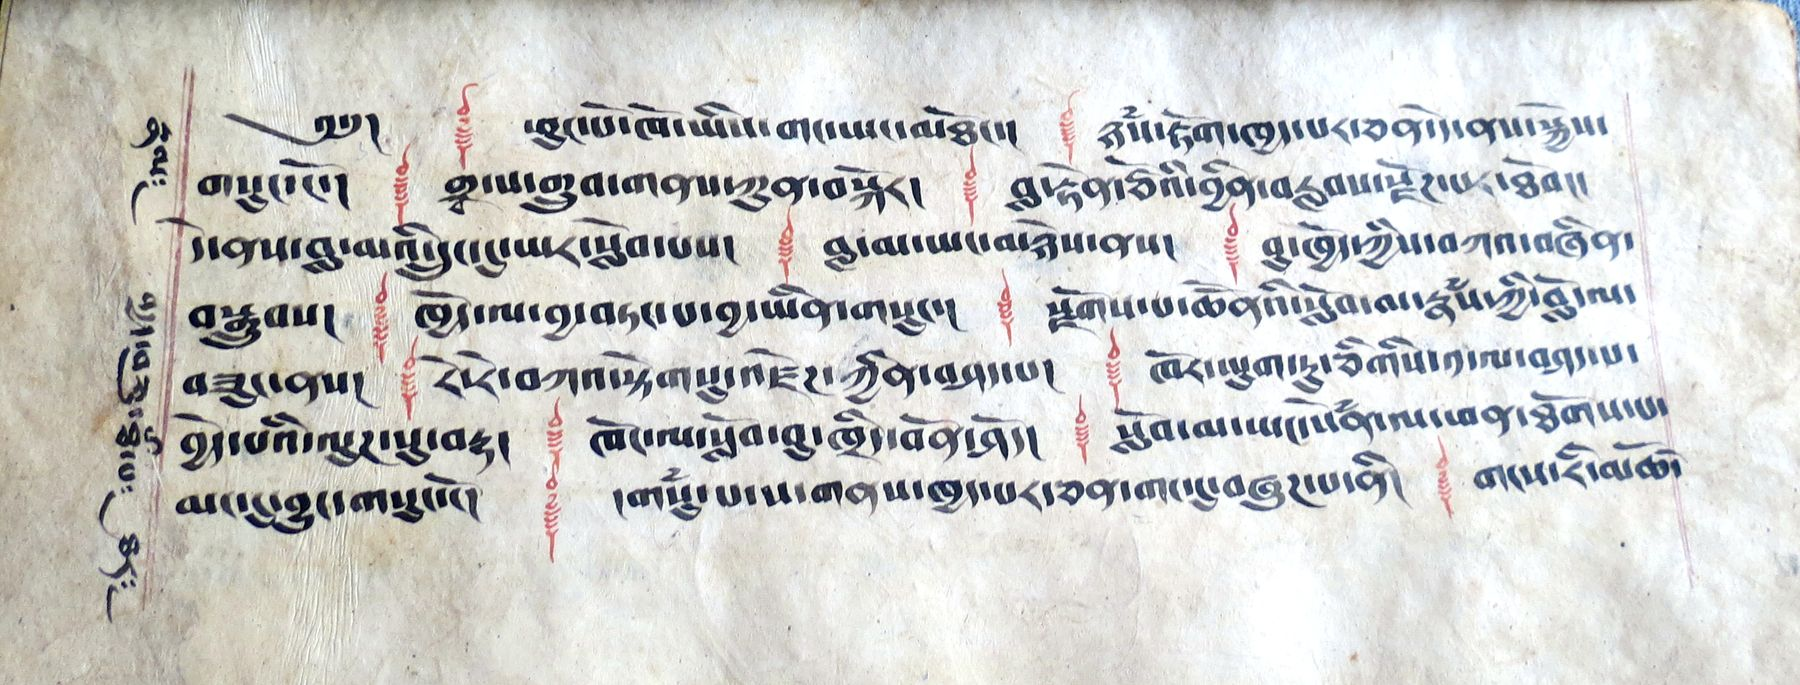ཕུང་པོ་ཁོས་གང་ཡང་མཐོང་། ཉམས་རྟོགས་ཁྱད་པར་ཅན་དེ་ནས་སྐྱེས་
གསུངས་སོ། ། གྲྭ་ས་གྲུབ་གནས་ཀུན་བསྐོར། བླ་རྟེན་ཚོའི་བྱིན་རླབས་རྫོགས་པར་ཐོབ། 
དེ་ནས་བླ་མའི་དྲུང་དུ་ཡར་སླེབས་པས། བླ་མ་ཡང་མཉེས་ནས། བུ་ཁྱོད་ཀྱིས་བཀའ་བཞིན་
བསྒྲུབས། ཁྱོད་ལ་བྱ་བཏང་པ་བྱ་བ་ཡིན་གསུངས། རྫོགས་པ་ཆེན་པོ་སློབ་མ་རྣམས་ཀྱིས་བློ་ལ་
བཟུང་ནས། རེ་རེ་བཀའ་སྟེགས་སུ་འཛེགས་ཤིང་བཤད་པ། ཁོར་ཡུག་ཏུ་གཅིག་གིས་གཅིག་ལ་བཤད་པ་
བྱེད་པའི་ལུགས་སུ་གདའ། ཁོང་ལ་སློབ་བུ་ཁྲིད་བོན་ཤོད། སློབ་མ་ཡང་སེམས་ཅན་ལ་ཕན་ཐོགས་པ་
མང་དུ་འབྱུང་གསུངས་སོ། ། གསུམ་པ་ས་གནས་ཁྱད་པར་ཅན་གང་དུ་བཞུགས་པ་ནི། གངས་རི་མཚོ་